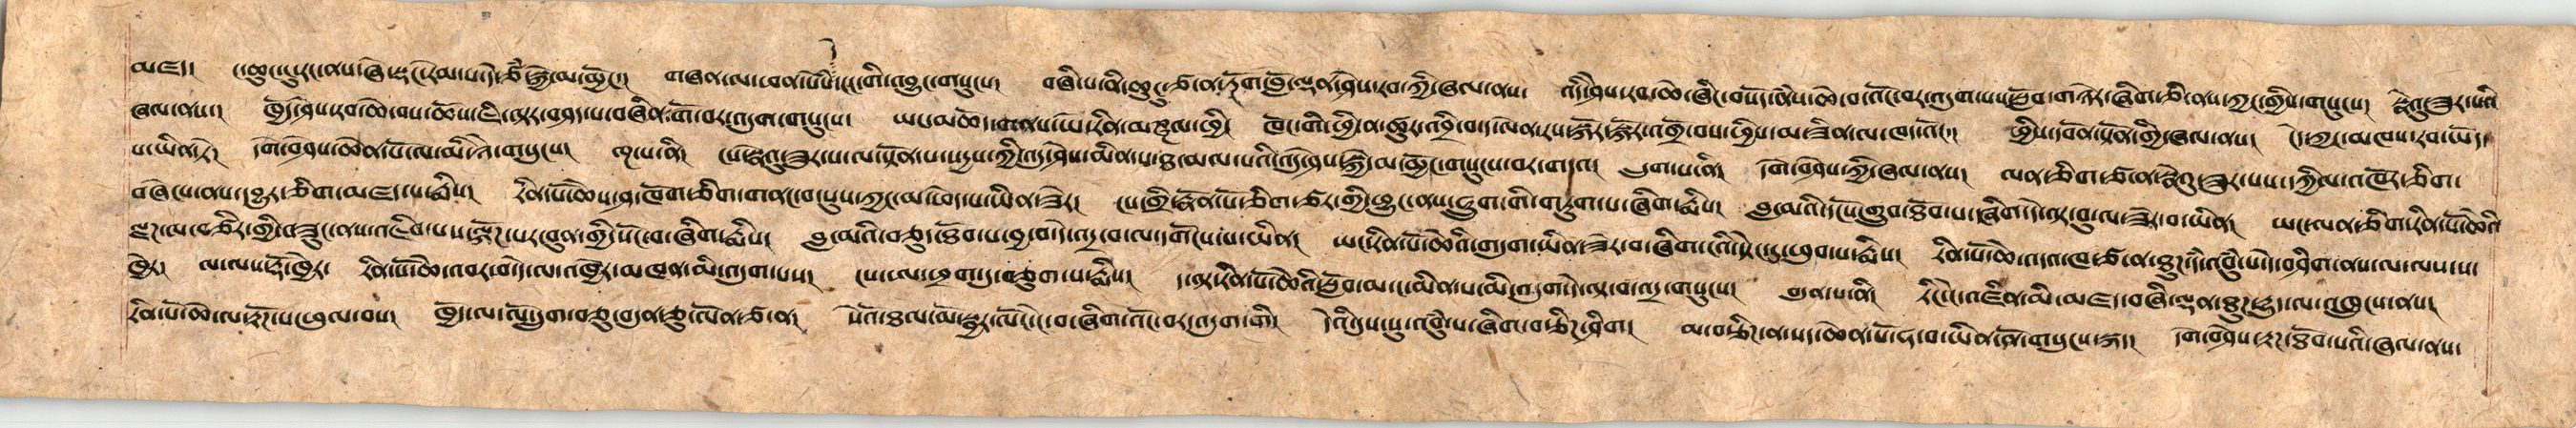མཛད། ང་ཆུང་ངུ་རང་ནས་ཞེ་སྡང་རེམ་པ་དེ་ཙཾ་སྐྱེ་མ་མྱོང། གཞན་ལ་ཕན་སེཾས་ངང་གི་འབྱུང་གསུངས། བཞི་པ་ནི་ཆུངུ་ཙ་ན་རྔོག་བློ་ལྡན་ཤེས་རབ་ཀྱི་ཞལ་ནས། འདི་ཤེས་རབ་ཆེ་ཞིང་བསོད་ནཾས་ཆེ་བ་འོང་བར་འདུག་པས་སློབ་གཉེར་ཞིག་ཅི་ནས་ཀྱང་གྱིས་གསུངས། སྣེའུ་ཟུར་པའི
ཞལ་ནས། ཁྱོད་ཤེས་རབ་ཆེ་བས་ཆོས་ཇི་ལྟར་བཤད་པ་བཞིན་གོ་བར་འདུག་གསུངས། ཡང་མཆོད་གནས་ཡོ་རིན་མཎྜལ་ཕྱི། ཁོང་གི་ཕྱི་ན་ཚུར་འབྲི་བ་ད་ལེན་རས་སྐོར་སྐོར་འགྲོ་བས་ཕྱིས་མ་ཟིན་ལ་ཁད་འོང་། ཕྱིས་དབོན་སྟོན་གྱི་ཞལ་ནས། ངེད་ཀྱང་མཁས་རབ་ཡོད་
པ་ཡིན་ཏེ། དགེ་བཤེས་ཆེན་པོ་ལ་མི་ཉེ་གསུངས། ལྔ་པ་ནི། ངས་སྣེའུ་ཟུར་པ་ལ་སྟོན་པ་སདྱས་ཀྱི་འདུ་ཤེས་མིན་པ་ཐ་མལ་པའི་འདུ་ཤེས་སྐྱེ་མ་མྱོང་གསུངས་བར་གདའ། དྲུག་པ་ནི། དགེ་བཤེས་ཀྱི་ཞལ་ནས། ལན་ཅིག་ཙ་ན་སྣེའུ་ཟུར་པས་དཀྱིལ་འཁོར་ཅིག་
བཞེངས་ནས་དབྱུར་ཅིག་མཛད་པ་རྨིས། རིན་པོ་ཆེས་ཤ་ཁོག་ཅིག་གནང་བ་སུས་ཀྱང་མ་ཕེད་པ་ཡིན་ཟེར། ངས་གྲི་རྣོན་པོ་ཅིག་ཙར་གྱི་ཕྱུང་ནས་ཧྲུག་གི་གཏུག་པ་ཞིག་རྨིས། བླ་མའི་དངོས་གྲུབ་ཐོབ་པ་ཞིག་དེ་ལྟ་བུ་ལ་ཟེར་བ་ཡིན། ཡང་ལན་ཅིག་རིན་པོ་ཆེའི
ལྗཌ་ལ་བཙིར་གྱི་བཟུང་ནས་འཇིབ་པས་ལྐོཌ་པར་བུན་གྱི་སོང་བ་ཞིག་རྨིས། བླ་མའི་བཅུད་ཐོབ་པ་བྱ་བ་དེ་འདྲ་བ་ལ་དགོངས་པ་ཡིན། ཡང་རིན་པོ་ཆེའི་གདུག་ཡིན་ཟེར་བ་ཞིག་ངའི་སྟེང་དུ་ཕུབ་པ་རྨིས། རིན་པོ་ཆེ་འདའ་ཁ་ཙ་ན་ཐུཌ་དཾ་འབུཾ་པ་དེ་བཤིག་ནས་ལ་ལས་ས་
ཁྱེར། ལ་ལས་རྡོ་ཁྱེར། རིན་པོ་ཆེ་འབར་བ་དེ་ལ་འཁྱེར་མཁན་མི་འདུག་པས། ངས་ཨ་ཕྲག་དུ་བཅུག་པ་རྨིས། ད་ལྟ་རིན་པོ་ཆེའི་སློབ་མ་ང་མིན་པ་མི་འདུག་དེ་ལྟ་བ་འདྲ་གསུངས། བདུན་པ་ནི། ཏིང་ངེ་འཛིན་མི་མཛད་བཞི་ལྡན་ཐུཌ་དྱུད་ལ་འཁྲུངས་ནས།
རིན་པོ་ཆེ་ལ་རྟོཌ་པ་ཕུལ་བས། ཁྱོད་ལ་ལོ་དྲུག་བཅུ་བདུན་ཅུ་ལོན་ཙ་ན། སེའོ་ཐལ་མོ་སྦྱར་ལོང་ངེ་བ་ཞིག་འོང་བར་འདུག་གི། དེའི་དུས་སུ་འབུཾ་པ་ཞིག་རྩིཌ་ཤིག། མ་བརྩིཌ་ན་སད་ཆེན་པོ་ཧ་བ་ཡིན་ནོ་གསུངས་སྐད། དགེ་བཤེས་རྟཌ་ཐོབ་པའི་ཞལ་ནས་